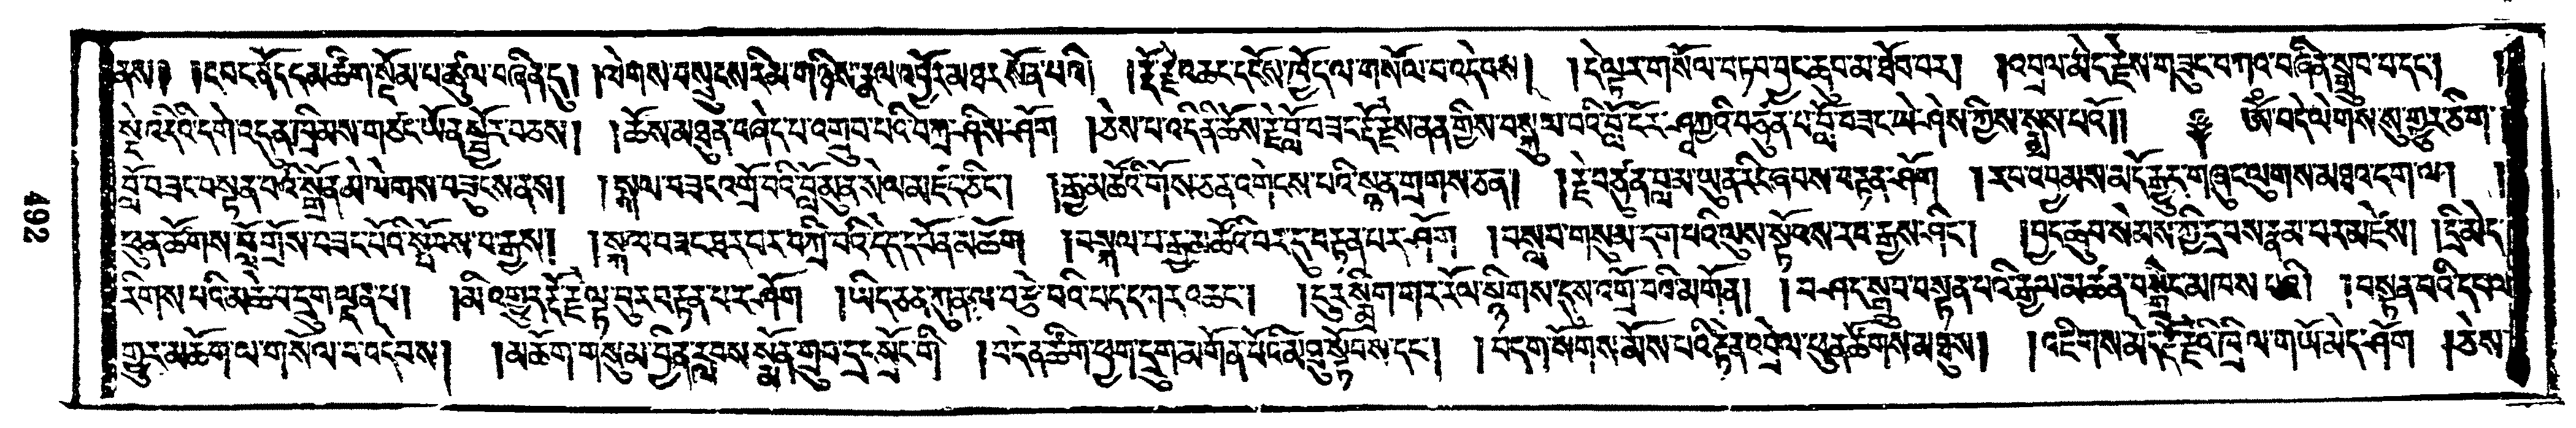ནས། །དབང་ནོད་དམ་ཚིག་སྔོམ་པ་ཚུལ་བཞིན་དུ། །ལེགས་བསྲུངས་རིམ་གཉིས་རྣལ་འབྱོར་མཐར་སོན་པའི། །རྡོ་རྗེ་འཆང་དངོས་ཁྱོད་ལ་གསོལ་བ་འདེབས། །དེ་ལྟར་གསོལ་བཏབ་བྱང་ཆུབ་མ་ཐོབ་པར། །འབྲལ་མེད་རྗེས་གཟུང་བཀའ་བཞིན་སྒྲུབ་པ་དང་། །
སྡེ་འདིའི་དགེ་འདུན་ཁྲིམས་གཙང་ཡོན་སྦྱོར་བཅས། །ཆོས་མཐུན་བཞེད་པ་འགྲུབ་པའི་བཀྲ་ཤིས་ཤོག །ཅེས་པ་འདི་ནི་ཆོས་རྗེ་བློ་བཟང་རྡོ་རྗེས་ནན་གྱིས་བསྐུལ་བའི་བློ་ངོར་ཤཱཀྱའི་བཙུན་པ་བློ་བཟང་ཡེ་ཤེས་ཀྱིས་སྨྲས་པའོ།། ༈ ཨོཾ་བདེ་ལེགས་སུ་གྱུར་ཅིག་
བློ་བཟང་བསྟན་པའི་སྒྲོན་མེ་ལེགས་བཟུངས་ནས། །སྐལ་བཟང་འགྲོ་བའི་བློ་མུན་སེལ་མཛད་ཅིང་། །རྒྱ་མཚོའི་གོས་ཅན་འགེངས་པའི་སྙན་གྲགས་ཅན། །རྗེ་བཙུན་བླ་མ་ཡུན་རིང་ཞབས་བརྟན་ཤོག །རབ་འབྱམས་མདོ་རྒྱུད་གཞུང་ལུགས་མཐའ་དག་ལ། །
ཕུན་ཚོགས་བློ་གྲོས་བཟང་པོའི་སྤོབས་བ་རྒྱས། །སྐལ་བཟང་ཐར་བར་བཀྲི་བའི་དེད་དཔོན་མཆོག །བསྐལ་པ་རྒྱ་མཚོའི་བར་དུ་བརྟན་པར་ཤོག །བསླབ་གསུམ་དག་པའི་ལུས་སྟོབས་རབ་རྒྱས་ཤིང་། །བྱང་ཆུབ་སེམས་ཀྱི་དྲ་བས་རྣམ་པར་མཛེས། །དྲི་མེད་
རིགས་པའི་མཆེ་བ་དྲུག་ལྡན་པ། །མི་འགྱུར་རྡོ་རྗེ་ལྟ་བུར་བརྟན་པར་ཤོག །ཡིད་ཅན་ཀུན་ལ་བརྩེ་བའི་པད་དཀར་འཆང་། །དུར་སྨྲིག་གར་རོལ་སྙིགས་དུས་འགྲོ་བའི་མགོན། །བཤད་སྒྲུབ་བསྟན་པའི་རྒྱལ་མཚན་བསྒྲིང་མཁས་པའི། །བསྟན་པའི་དཔལ་
གྱུར་མཆོག་ལ་གསོལ་བ་འདེབས། །མཆོག་གསུམ་བྱིན་རླབས་སྨོན་གྲུབ་དྲང་སྲོང་གི །བདེན་ཚིག་ཕྱག་དྲུག་མགོན་པོའི་མཐུ་སྟོབས་དང་། །བདག་སོགས་མོས་པའི་རྟེན་འབྲེལ་ཕུན་ཚོགས་མཐུས། །འཇིགས་མེད་རྡོ་རྗེའི་ཁྲི་ལ་གཡོ་མེད་ཤོག །ཅེས་